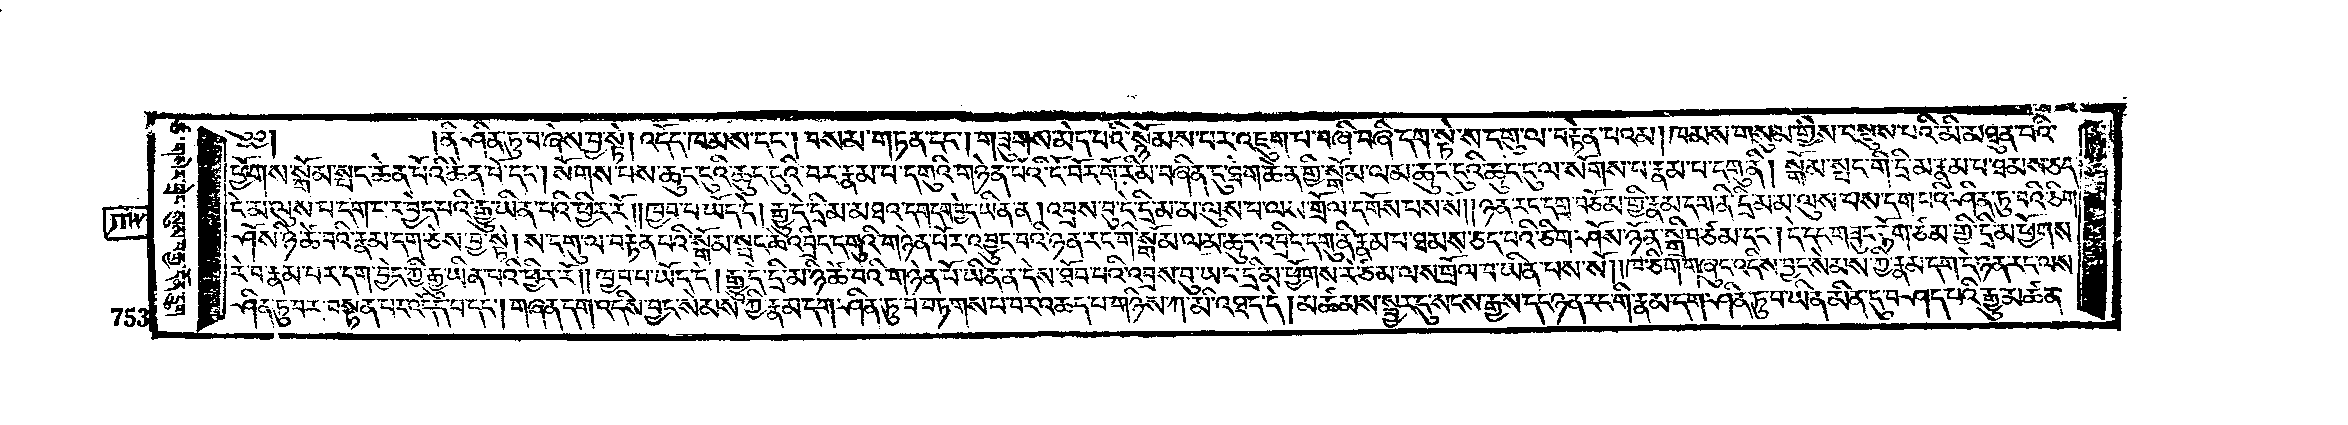༄༅། །ནི་ཤིན་ཏུ་བ་ཞེས་བྱ་སྟེ། འདོད་ཁམས་དང་། བསམ་གཏན་དང་། གཟུགས་མེད་པའི་སྙོམས་པར་འཇུག་པ་བཞི་བཞི་དག་སྟེ་ས་དགུ་ལ་བརྟེན་པའམ། ཁམས་གསུམ་གྱིས་བསྡུས་པའི་མི་མཐུན་པའི་
ཕྱོགས་སྒོམ་སྤང་ཆེན་པོའི་ཆེན་པོ་དང་། སོགས་པས་ཆུང་ངུའི་ཆུང་ངུའི་བར་རྣམ་པ་དགུའི་གཉེན་པོའི་ངོ་བོར་གོ་རིམ་བཞིན་དུ་ཐེག་ཆེན་གྱི་སྒོམ་ལམ་ཆུང་ངུའི་ཆུང་ངུ་ལ་སོགས་པ་རྣམ་པ་དགུ་ནི། སྒོམ་སྤང་གི་དྲི་མ་རྣམ་པ་ཐམས་ཅད་
དེ་མ་ལུས་པ་དག་པར་བྱེད་པའི་རྒྱུ་ཡིན་པའི་ཕྱིར་རོ། །ཁྱབ་པ་ཡོད་དེ། རྒྱུ་དེ་དྲི་མ་མཐའ་དག་དག་བྱེད་ཡིན་ན། འབྲས་བུ་དེ་དྲི་མ་མ་ལུས་པ་ལས་གྲོལ་དགོས་པས་སོ། །ཉན་རང་དགྲ་བཅོམ་གྱི་རྣམ་དག་ནི་དྲི་མ་མ་ལུས་པས་དག་པའི་ཤིན་ཏུ་བའི་ཅིག་
ཤོས་ཉི་ཚེ་བའི་རྣམ་དག་ཅེས་བྱ་སྟེ། ས་དགུ་ལ་བརྟེན་པའི་སྒོམ་སྤང་ཚེ་འབྲིང་དགུའི་གཉེན་པོར་འབྱུང་བའི་ཉན་རང་གི་སྒོམ་ལམ་ཆུང་འབྲིང་དགུ་ནི་རྣམ་པ་ཐམས་ཅད་པའི་ཅིག་ཤོས་ཉོན་སྒྲིབ་ཙམ་དང་། དེ་དང་གཟུང་རྟོག་ཙམ་གྱི་དྲི་མ་ཕྱོགས་
རེ་བ་རྣམ་པར་དག་བྱེད་ཀྱི་རྒྱུ་ཡིན་པའི་ཕྱིར་རོ། །ཁྱབ་པ་ཡོད་དེ། རྒྱུ་དེ་དྲི་མ་ཉི་ཚེ་བའི་གཉེན་པོ་ཡིན་ན་དེས་ཐོབ་པའི་འབྲས་བུ་ཡང་དྲི་མ་ཕྱོགས་རེ་ཙམ་ལས་གྲོལ་བ་ཡིན་པས་སོ། །ཁ་ཅིག་གཞུང་འདིས་བྱང་སེམས་ཀྱི་རྣམ་དག་དེ་ཉན་རང་ལས་
ཤིན་ཏུ་བར་བསྟན་པར་འདོད་པ་དང་། གཞན་དག་འདིས་བྱང་སེམས་ཀྱི་རྣམ་དག་ཤིན་ཏུ་བ་བཏགས་པ་བར་འཆད་པ་གཉིས་ཀ་མི་འཐད་དེ། མཚམས་སྦྱར་དུ་སངས་རྒྱས་དང་ཉན་རང་གི་རྣམ་དག་ཤིན་ཏུ་བ་ཡིན་མིན་དུ་བཤད་པའི་རྒྱུ་མཚན་